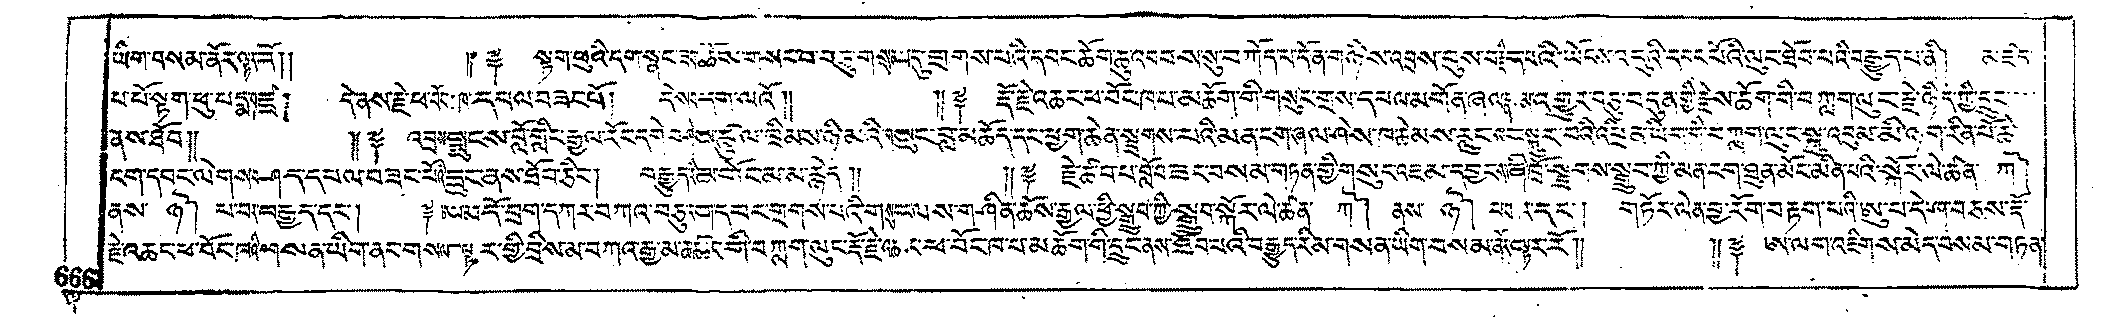ཡིག་བསམ་ནོར་ལྟར་རོ།། །།འ་སྟག་ཕུའི་དག་སྣང་ཟབ་ཆོས་གསང་བ་བཅུ་གསུམ་དུ་གྲགས་པའི་དབང་ཆོག་ཆུ་འབབས་སུ་བཀོད་པ་དོན་གཉིས་འབྲས་བུས་བརྗིད་པའི་ཡོངས་འདུའི་དབང་པོའི་ལུང་ཐོབ་པའི་བརྒྱུད་པ་ནི། མཛད་
པ་པོ་སྟག་ཕུ་པདམ་བཛྲ། དེ་ནས་རྗེ་ཕ་བོང་ཁ་དཔལ་བཟང་པོ། དེས་བདག་ལའོ།། །།འ་རྡོ་རྗེ་འཆང་ཕ་བོང་ཁ་པ་མཆོག་གི་གསུང་གྲས་དཔལ་མགོན་ཞལ་རྣམ་འགྱུར་བཅུ་བདུན་གྱི་རྗེས་ཆོག་གི་བཀླག་ལུང་རྗེ་ཉིད་ཀྱི་དྲུང་
ནས་ཐོབ།། །།འ་འབྲས་སྤུངས་བློ་གླིང་རྒྱལ་རོང་དགེ་བཤེས་ཚུལ་ཁྲིམས་ཉི་མའི་གསུང་བླ་མཆོད་དང་ཕྱག་ཆེན་སྦྲགས་པའི་མན་ངག་ཞལ་ཤེས་ཁ་ཆེམས་རླུང་ལ་བསྐུར་བའི་འཕྲིན་ཡིག་གི་བཀླག་ལུང་སྐུ་འབུམ་མི་ཉག་རིན་པོ་ཆེ་
ངག་དབང་ལེགས་བཤད་དཔལ་བཟང་པོའི་དྲུང་ནས་ཐོབ་ཅིང་། བརྒྱུད་རིམ་གོང་མ་མ་རྙེད།། །།འ་རྗེ་ཚ་བ་པ་བློ་བཟང་བསམ་གཏན་གྱི་གསུང་འཇམ་དབྱངས་ཞི་ཁྲོ་སྦྲགས་སྒྲུབ་ཀྱི་མན་ངག་ཐུན་མོང་མིན་པའི་སྐོར་ལེ་ཚན་ཀ
ནས་ཉ༼་པ་བར་བརྒྱད་དང་། འ་ཨ་མདོ་བྲག་དཀར་བཀའ་བཅུ་ངག་དབང་གྲགས་པའི་གསུང་ལས་གཤིན་ཆོས་རྒྱལ་ཕྱི་སྒྲུབ་ཀྱི་སྒྲུབ་སྐོར་ལེ་ཚན་ཀ༽ ནས་ཉ་པ་བར་དང་། གཏོར་ལེན་བྱ་རོག་བརྟག་པའི་ཨུ་པ་དེ་ཤ་བཅས་རྡོ་
རྗེ་འཆང་ཕ་བོང་ཁའི་གསན་ཡིག་ནང་གསལ་ལྟར་གྱི་བྲིས་མ་བཀའ་རྒྱ་མ་ཆ་ཚང་གི་བཀླག་ལུང་རྡོ་རྗེ་འཆང་ཕ་བོང་ཁ་པ་མཆོག་གི་དྲུང་ནས་ཐོབ་པའི་བརྒྱུད་རིམ་གསན་ཡིག་བསམ་ནོར་ལྟར་རོ།། །།འ་ཨ་ལག་འཇིགས་མེད་བསམ་གཏན་